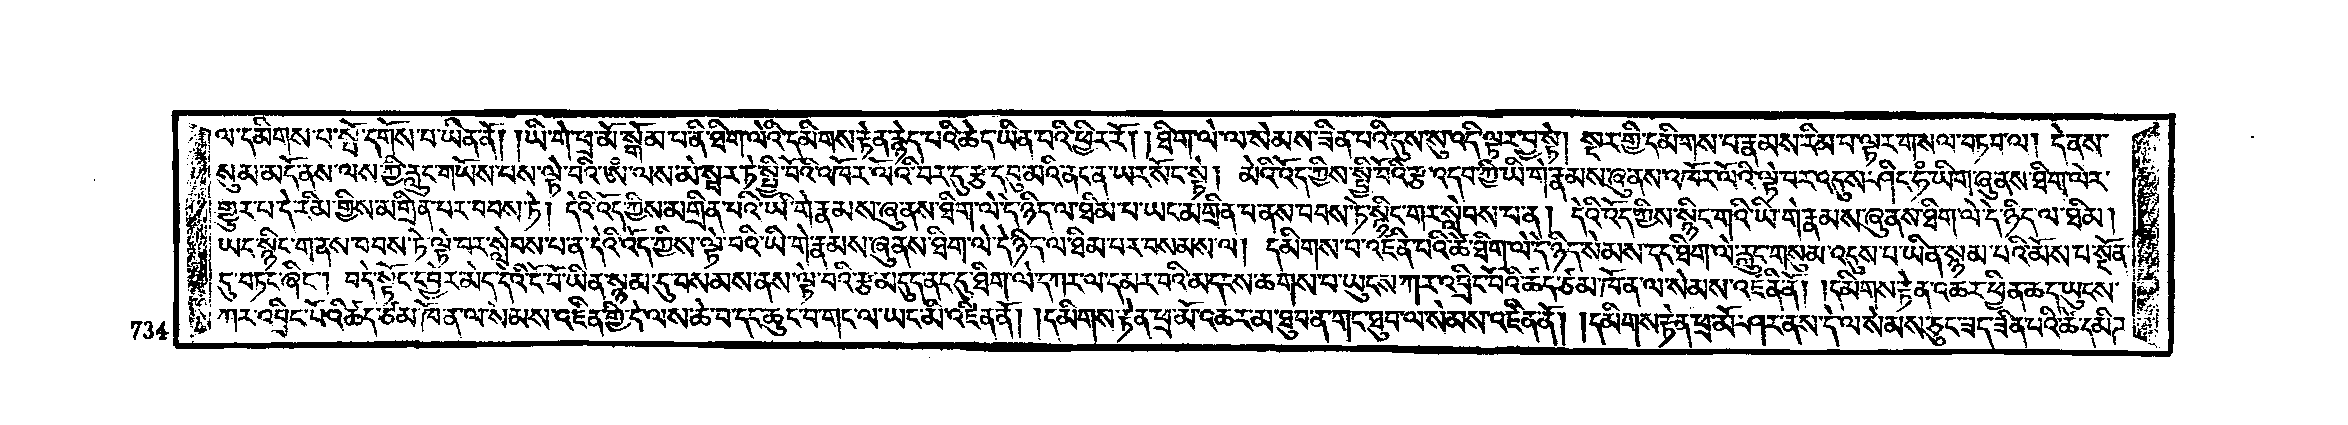ལ་དམིགས་པ་སྤོ་དགོས་པ་ཡིན་ནོ། །ཡི་གེ་ཕྲ་མོ་སྒོམ་པ་ནི་ཐིག་ལེའི་དམིགས་རྟེན་རྙེད་པའི་ཆེད་ཡིན་པའི་ཕྱིར་རོ། །ཐིག་ལེ་ལ་སེམས་ཟིན་པའི་དུས་སུ་འདི་ལྟར་བྱ་སྟེ། སྔར་གྱི་དམིགས་པ་རྣམས་རིམ་པ་ལྟར་གསལ་བཏབ་ལ། དེ་ནས་
སུམ་མདོ་ནས་ལས་ཀྱི་རླུང་གཡོས་པས་ལྟེ་བའི་ཨཾ་ལས་མེ་སྦར་ཏེ་སྤྱི་བོའི་འཁོར་ལོའི་བར་དུ་རྩ་དབུ་མའི་ནང་ན་ཡར་སོང་སྟེ། མེའི་འོད་ཀྱིས་སྤྱི་བོའི་རྩ་འདབ་ཀྱི་ཡི་གེ་རྣམས་ཞུ་ནས་འཁོར་ལོའི་ལྟེ་བར་འདུས་ཤིང་ཧཾ་ཡིག་ཞུ་ནས་ཐིག་ལེར་
གྱུར་པ་དེ་རིམ་གྱིས་མགྲིན་པར་བབས་ཏེ། དེའི་འོད་ཀྱིས་མགྲིན་པའི་ཡི་གེ་རྣམས་ཞུ་ནས་ཐིག་ལེ་དེ་ཉིད་ལ་ཐིམ་པ་ཡང་མགྲིན་པ་ནས་བབས་ཏེ་སྙིང་གར་སླེབས་པ་ན། དེའི་འོད་ཀྱིས་སྙིང་གའི་ཡི་གེ་རྣམས་ཞུ་ནས་ཐིག་ལེ་དེ་ཉིད་ལ་ཐིམ།
ཡང་སྙིང་ག་ནས་བབས་ཏེ་ལྟེ་བར་སླེབས་པ་ན་དེའི་འོད་ཀྱིས་ལྟེ་བའི་ཡི་གེ་རྣམས་ཞུ་ནས་ཐིག་ལེ་དེ་ཉིད་ལ་ཐིམ་པར་བསམས་ལ། དམིགས་པ་འཛིན་པའི་ཚེ་ཐིག་ལེ་དེ་ཉིད་སེམས་དང་ཐིག་ལེ་རླུང་གསུམ་འདུས་པ་ཡིན་སྙམ་པའི་མོས་པ་སྔོན་
བཏང་ཞིང་། བདེ་སྟོང་དབྱེར་མེད་དེའི་ངོ་བོ་ཡིན་སྙམ་དུ་བསམས་ནས་ལྟེ་བའི་རྩ་མདུད་ནང་དུ་ཐིག་ལེ་དཀར་ལ་དམར་བའི་མདངས་ཆགས་པ་ཡུངས་ཀར་འབྲིང་པོའི་ཚད་ཙམ་ཁོ་ན་ལ་སེམས་འཛིན་ནོ། །དམིགས་རྟེན་འཆར་ཕྱིན་ཆད་ཡུངས་
ཀར་འབྲིང་པོའི་ཚད་ཙམ་ཁོ་ན་ལ་སེམས་འཛིན་གྱི་དེ་ལས་ཆེ་བ་དང་ཆུང་བ་གང་ལ་ཡང་མི་འཛིན་ནོ། །དམིགས་རྟེན་ཕྲ་མོ་འཆར་མ་ཐུབ་ན་གང་ཐུབ་ལ་སེམས་འཛིན་ནོ། །དམིགས་རྟེན་ཕྲ་མོ་ཤར་ནས་དེ་ལ་སེམས་ཅུང་ཟད་ཟིན་པའི་ཚེ་དམིགས་